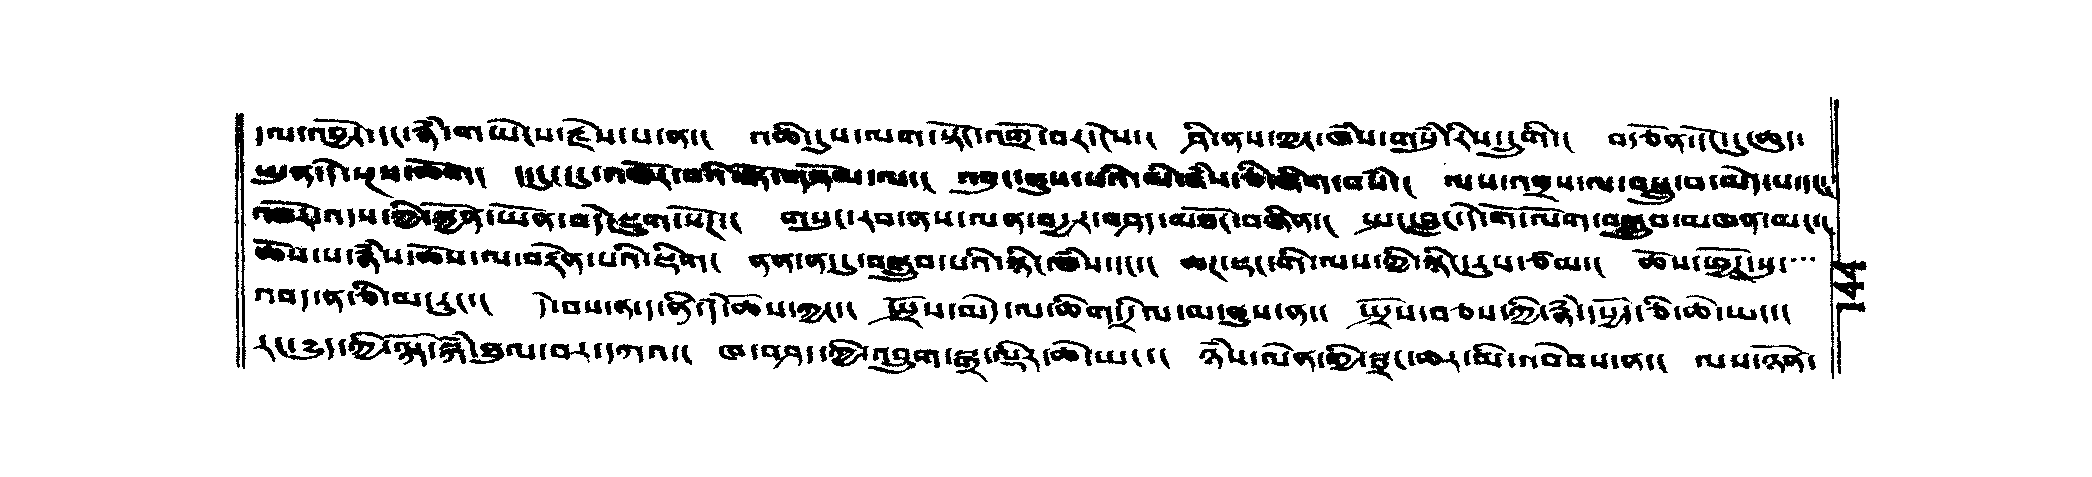།དལ་འབྱོར་དང་རྣམ་གཡེངས་རྗེས་པ་ན། །འཆི་དུས་ལག་སྟོང་འགྲོ་བར་ངེས། །ཤི་ནས་ཀྱང་ཁམས་གསུམ་རིགས་དྲུག་གི །བརྩོན་དོང་དུ་ཆུད་
ཡུན་དེ་སྔས་ཆོག །ད་དུང་དུ་འཁོར་བའི་སྒོ་གཤམ་ལ། །འབུང་ནུས་པའི་མི་རྣམས་ཅི་ཞིག་བསམ། །ལས་འབྲས་ལ་བསླུ་བ་མེད་པ་དང་། །
འཁོར་འདས་ཀྱི་སྐྱོན་ཡོན་བདེ་སྡུག་སོགས། །གསུང་རབ་ནས་ལན་བརྒྱར་བཤད་མཐོང་བཞིན། །སྤང་བླང་དེ་གོ་ལོག་བསྒྲུབ་མཁན་མང་། །
ཆོས་པ་རྣམས་ཆོས་ལ་བརྟེན་པའི་སྡིག །ནན་ཏན་དུ་བསྒྲུབ་པའི་སྙིང་ཁམས་དང་། །ཆགས་སྡང་གི་ལས་ཀྱི་སྙིང་རུས་ཙམ། །ཆོས་ཕྱོགས་སུ་
འབད་ན་ཅི་མ་རུང་། །དེ་བས་ན་ད་ནས་དམ་ཆོས་ཀྱང་། །སྤྲོས་མེད་ལ་ཆིག་དྲིལ་མ་ནུས་ན། །སྤྲོས་བཅས་ཀྱི་རྣམ་དཔྱོད་ཅི་ཆེ་ཡང་། །
རང་རྒྱུད་ཀྱི་ལྐོ་སྐམ་ཐུལ་བར་དཀའ། །ཁ་བཤད་ཀྱི་འབྲུག་སྒྲ་ལྡིར་ཆེ་ཡང་། །ཉམས་ལེན་གྱི་སྦྲང་ཆར་མི་འབེབས་ན། །ལས་ཉོན་